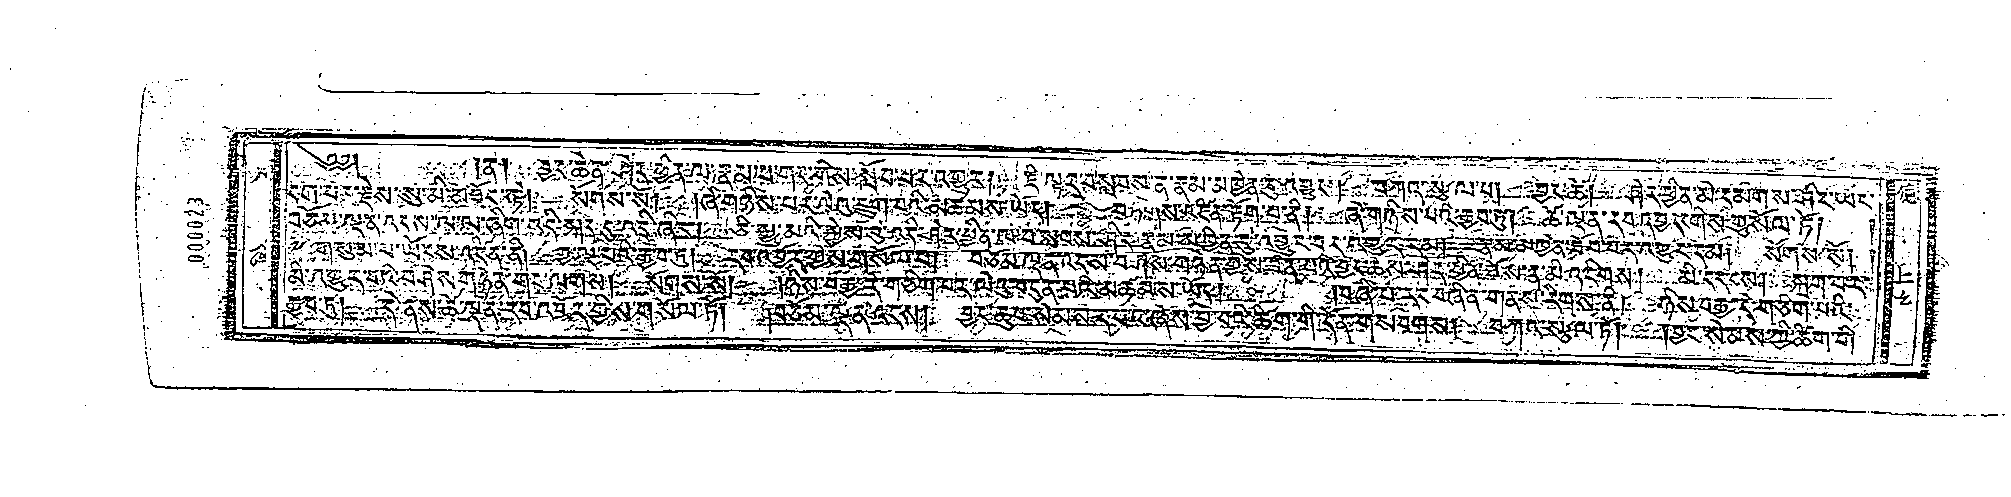༄༅། །ན། བྱང་ཆེན་ཤེར་ཕྱིན་ལ་རྣམ་པ་གང་གིས་སློབ་པར་འགྱུར། ཇི་ལྟར་བསླབས་ན་རྣམ་མཁྱེན་དུ་འབྱུང་། བཀའ་སྩལ་པ། བྱང་སྟེ། ཤེར་ཕྱིན་མི་དམིགས་ཤིང་ཡང་
དག་པར་རྗེས་སུ་མི་མཐོང་སྟེ། སོགས་སོ། །ཞེ་གཉིས་པར་ལེའུ་དྲུག་པའི་མཚམས་ཡོད། བཏགས་འཛིན་རྟོག་པ་ནི། ཞེ་གཉིས་པའི་རྒྱབ་ཏུ། ཚེ་ལྡན་རབ་འབྱོར་གྱིས་གསོལ་ཏོ། །
བཅོམ་ལྡན་འདས་ལ་ལ་ཞིག་འདི་སྐད་དི་འདྲི་ཞིང་། ཅི་སྒྱུ་མའི་སྐྱེས་བུ་འདི་ཤེར་ཕྱིན་ལ་བསླབས་ཤིང་རྣམ་མཁྱེན་དུ་འབྱུང་བར་འགྱུར་རམ། རྣམ་མཁྱེན་ཐོབ་བར་འགྱུར་དམ། སོགས་སོ། །
༧་གསུམ་པ་ཡོངས་འཛིན་ནི། རྒྱ་ལྔ་པའི་རྒྱབ་ཏུ། རབ་འབྱོར་གྱིས་གསོལ་བ། བཅོམ་ལྡན་འདས་བཤེས་གཉེན་གྱིས་ཟིན་པའི་བྱང་ཆེས་ཤེར་ཕྱིན་ཐོས་ན་མི་འཇིགས། མི་བདངས། སྐྲག་པར་
མི་འགྱུར་བའི་བཤེས་གཉེན་གང་ལགས། སོགས་སོ། །ཉིས་བརྒྱ་རེ་གཅིག་བར་ལེའུ་བདུན་པའི་མཚམས་ཡོད། །བཞི་པ་རང་བཞིན་གནས་རིགས་ནི། ཉིས་བརྒྱ་རེ་གཅིག་པའི་
རྒྱབ་ཏུ། དེ་ནས་ཚེ་ལྡན་རབ་འབྱོར་གྱིས་གསོལ་ཏོ། །བཅོམ་ལྡན་འདས། བྱང་ཆུབ་སེམས་དཔའ་ཞེས་བྱ་བའི་ཚིག་གི་དོན་གསགས། བཀའ་སྩལ་ཏོ། །བྱང་སེམས་ཀྱི་ཚིག་གི་